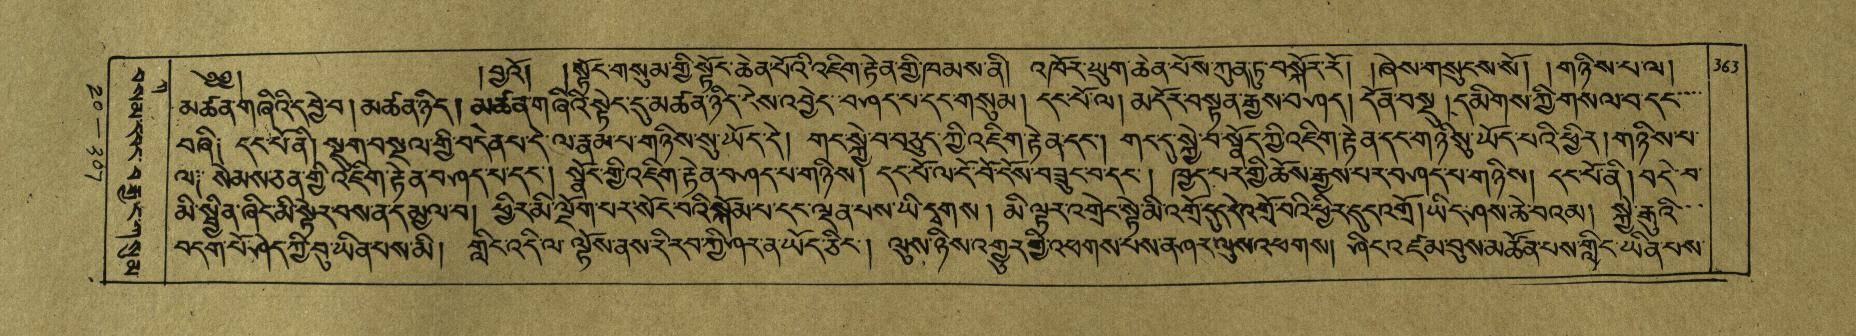༄༅། །བྱའོ། །སྟོང་གསུམ་གྱི་སྟོང་ཆེན་པོའི་འཇིག་རྟེན་གྱི་ཁམས་ནི། འཁོར་ཡུག་ཆེན་པོས་ཀུན་ཏུ་བསྐོར་རོ། །ཞེས་གསུངས་སོ། །གཉིས་པ་ལ།
མཚན་གཞིའི་དབྱེ་བ། མཚན་ཉིད། མཚན་གཞིའི་སྟེང་དུ་མཚན་ཉིད་ངེས་འབྱེད་བཤད་པ་དང་གསུམ། དང་པོ་ལ། མདོར་བསྟན་རྒྱས་བཤད། དོན་བསྡུ་།དམིགས་ཀྱི་གསལ་བ་དང་
བཞི༑ དང་པོ་ནི། སྡུག་བསྔལ་གྱི་བདེན་པ་དེ་ལ་རྣམ་པ་གཉིས་སུ་ཡོད་དེ། གང་སྐྱེ་བ་བཅུད་ཀྱི་འཇིག་རྟེན་དང་། གང་དུ་སྐྱེ་བ་སྣོད་ཀྱི་འཇིག་རྟེན་དང་གཉིསུ་ཡོད་པའི་ཕྱིར། གཉིས་པ་
ལ༑ སེམས་ཅན་གྱི་འཇིག་རྟེན་བཤད་པ་དང་། སྣོང་གྱི་འཇིག་རྟེན་བཤད་པ་གཉིས། དང་པོ་ལ་ངོ་བོ་ངོས་བཟུང་བ་དང་། ཁྱད་པར་གྱི་ཆོས་རྒྱས་པར་བཤད་པ་གཉིས། དང་པོ་ནི། བདེ་བ་
མི་སྦྱིན་ཞིང་མི་སྟེར་བས་ན་དམྱལ་བ། ཕྱིར་མི་ལྡོག་པར་སོང་བའི་སྐོམ་པ་དང་ལྡན་པས་ཡི་དྭགས། མི་ལྟར་འགྲེང་སྟེ་མི་འགྲོ་དུད་དེ་འགྲོ་བའི་ཕྱིར་དུད་འགྲོ། ཡིད་ཤས་ཆེ་བའམ། སྐྱེ་རྒུའི་
བདག་པོ་ཤེད་ཀྱི་བུ་ཡིན་པས་མི། གླིང་འདི་ལ་ལྟོས་ནས་རི་རབ་ཀྱི་ཤར་ན་ཡོད་ཅིང་། ལུས་ཉིས་འགྱུར་གྱི་འཕགས་པས་ན་ཤར་ལུས་འཕགས། ཤིང་འཛམ་བུས་མཚོན་པས་གླིང་ཡིན་པས་